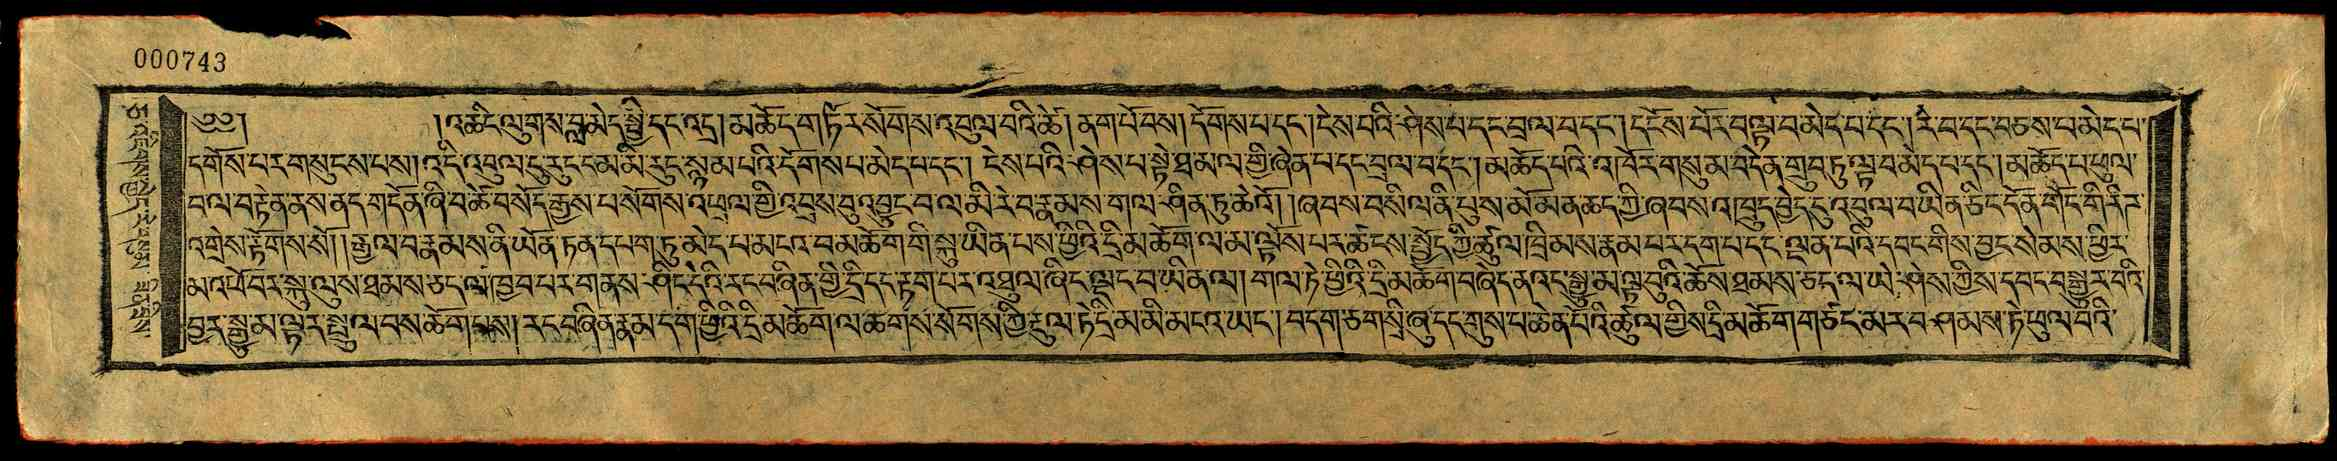༄༅། །འཆིང་ལུགས་བླ་མེད་སྤྱི་དང་འདྲ། མཆོད་གཏོར་སོགས་འབུལ་བའི་ཚེ། ནག་པོ་བས། དགོས་པ་དང་། ངེས་པའི་ཤེས་པ་དང་བྲལ་བ་དང་། དངོས་པོར་བལྟ་བ་མེད་པ་དང་། རེ་བ་དང་བཅས་པ་མེད་པ་
དགོས་པར་གསུངས་པས། འདི་འབུལ་དུ་རུང་ངམ་མི་རུང་སྙམ་པའི་དོགས་པ་མེད་པ་དང་། ངེས་པའི་ཤེས་པ་སྟེ་ཐ་མལ་གྱི་ཞེན་པ་དང་བྲལ་བ་དང་། མཆོད་པའི་འཁོར་གསུམ་བདེན་གྲུབ་ཏུ་ལྟ་བ་མེད་པ་དང་། མཆོད་པ་ཕུལ་
བ་ལ་བརྟེན་ནས་ནད་གདོན་ཞི་བ་ཚེ་བསོད་རྒྱས་པ་སོགས་འཕྲལ་གྱི་འབྲས་བུ་འབྱུང་པ་ལ་མི་རེ་བ་རྣམས་གལ་ཤིན་ཏུ་ཆེའོ། །ཞབས་བསིལ་ནི་པུས་མོ་མན་ཆད་ཀྱི་ཞབས་འཁྲུད་བྱེད་དུ་འབུལ་བ་ཡིན་ཅིང་དོན་གོང་གི་རིཌ་
འགྲེས་རྟོགས་སོ། །རྒྱལ་བ་རྣམས་ནི་ཡོན་ཏན་དཔག་ཏུ་མེད་པ་མངའ་བ་མཆོག་གི་སྐུ་ཡིན་པས་ཕྱིའི་དྲི་མཆོག་ལ་མ་ལྟོས་པར་ཚང་སྤྱོད་ཀྱི་ཚུལ་ཁྲིམས་རྣམ་པར་དག་པ་དང་ལྡན་པའི་དབང་གིས་བྱང་སེམས་ཕྱིར་
མ་འཕོ་བར་སྐུ་ལུས་ཐམས་ཅད་ལ་ཁྱབ་པར་གནས་ཤིང་དེའི་རང་བཞིན་གྱི་དྲི་ངད་རྟག་པར་འཐུལ་ཞིང་ལྡང་བ་ཡིན་ལ། གལ་ཏེ་ཕྱིའི་དྲི་མཆོག་བཞེད་ནའང་སྒྱུ་མ་ལྟ་བུའི་ཆོས་ཐམས་ཅད་ལ་ཡེ་ཤེས་ཀྱིས་དབང་བསྒྱུར་བའི་
ཕྱིར་སྒྱུ་མ་ལྟར་སྤྲུལ་བས་ཆོག་པས། རང་བཞིན་རྣམ་དག་ཕྱིའི་དྲི་མཆོག་ལ་ཆགས་སོགས་ཀྱི་རྡུལ་ཏེ་དྲི་མ་མི་མངའ་ཡང་། བདག་ཅག་སྲི་ཞུ་དང་གུས་པ་ཆེན་པོའི་ཚུལ་གྱིས་དྲི་མཆོག་གཙང་མར་བཤམས་ཏེ་ཕུལ་བའི་